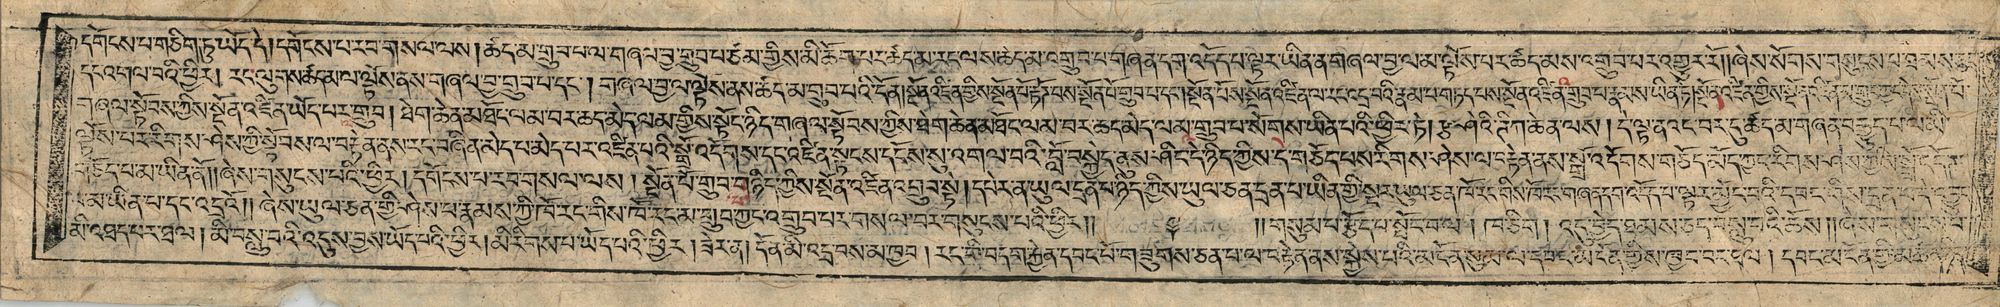དགོངས་པ་གཅིག་ཏུ་ཡོད་དེ། དགོངས་པ་རབ་གསལ་ལས། ཚད་མ་གྲུབ་པ་ལ་གཞལ་བྱ་གྲུབ་པ་ཙམ་གྱིས་མི་ཆོག་པར་ཚད་མ་རང་ལས་ཚད་མ་འགྲུབ་པ་གཞན་དག་འདོད་པ་ལྟར་ཡིན་ན་གཞལ་བྱ་ལ་མ་ལྟོས་པར་ཚད་མས་འགྲུབ་པར་འགྱུར་རོ། །ཞེས་སོགས་གསུངས་པ་ཐམས་ཅད་
དང་འགལ་བའི་ཕྱིར། རང་ལུགས་ཚད་མ་ལ་ལྟོས་ནས་གཞལ་བྱ་གྲུབ་པ་དང་། གཞལ་བྱ་ལ་ལྟོས་ནས་ཚད་མ་གྲུབ་པའི་དོན། སྔོན་འཛིན་གྱིས་སྔོན་པོ་རྟོགས་པས་སྔོན་པོ་གྲུབ་པ་དང་། སྔོན་པོས་སྔོན་འཛིན་ལ་རང་འདྲ་བའི་རྣམ་པ་གཏད་པས་སྔོན་འཛིན་འགྲུབ་པ་རྣམས་ཡིན་ཏེ། སྔོན་འཛིན་གྱིས་སྔོན་འཛིན་མ་གྲུབ་ཀྱང་དེས་སྔོན་པོ་
གཞལ་སྟོབས་ཀྱིས་སྔོན་འཛིན་ཡོད་པར་གྲུབ། ཐེག་ཆེན་མཐོང་ལམ་བར་ཆད་མེད་ལམ་གྱིས་སྟོང་ཉིད་གཞལ་སྟོབས་ཀྱིས་ཐེག་ཆེན་མཐོང་ལམ་བར་ཆད་མེད་ལམ་འགྲུབ་པ་སོགས་ཡིན་པའི་ཕྱིར་ཏེ། རྩ་ཤེའི་ཊིཀ་ཆེན་ལས། དེ་ལྟ་ནའང་བར་དུ་ཚད་མ་གཞན་བརྒྱུད་པ་ལ་མི་
ལྟོས་པར་རིགས་ཤེས་ཀྱི་སྟོབས་ལ་བརྟེན་ནས་རང་བཞིན་མེད་པ་མེད་པར་འཛིན་པའི་སྒྲོ་འདོགས་དང་འཛིན་སྟངས་དངོས་སུ་འགལ་བའི་བློ་བསྐྱེད་ནུས་ཤིང་དེ་ཉིད་ཀྱིས་དེ་གཅོད་པས་རིགས་ཤེས་ལ་བརྟེན་ནས་སྒྲོ་འདོགས་གཅོད་མོད་ཀྱང་རིགས་ཤེས་ཀྱིས་སྒྲོ་འདོགས་
གཅོད་པ་མ་ཡིན་ནོ། །ཞེས་གསུངས་པའི་ཕྱིར། དགོངས་པ་རབ་གསལ་ལས། སྔོན་པོ་གྲུབ་པ་ཉིད་ཀྱིས་སྔོན་འཛིན་འགྲུབ་སྟེ། དཔེར་ན་ཡུལ་དྲན་པ་ཉིད་ཀྱིས་ཡུལ་ཅན་དྲན་པ་ཡིན་གྱི་སྔར་ཡུལ་ཅན་ཁོ་རང་གིས་ཁོ་རང་གཞན་དག་འདོད་པ་ལྟར་མྱོང་བའི་དབང་གིས་དྲན་པ་དེ་འབྱུང་
བ་མ་ཡིན་པ་དང་འདྲའོ། །ཞེས་ཡུལ་ཅན་གྱི་ཤེས་པ་རྣམས་ཀྱི་ཁོ་རང་གིས་ཁོ་རང་མ་གྲུབ་ཀྱང་འགྲུབ་པར་གསལ་བར་གསུངས་པའི་ཕྱིར།། ༈ །།གསུམ་པ་རྩོད་པ་སྟོང་བ་ལ། ཁ་ཅིག །འདུ་བྱེད་ཐམས་ཅད་བསླུ་བའི་ཆོས། །ཞེས་གསུངས་པ་
མི་འཐད་པར་ཐལ། མི་བསླུ་བའི་འདུས་བྱས་ཡོད་པའི་ཕྱིར། མི་རིགས་པ་ཡོད་པའི་ཕྱིར། ཟེར་ན། དོན་མི་འདྲ་བས་མ་ཁྱབ། རང་གི་བདག་རྐྱེན་དབང་པོ་གཟུགས་ཅན་པ་ལ་བརྟེན་ནས་སྐྱེས་པའི་མངོན་སུམ་ལ་དབང་མངོན་གྱིས་ཁྱབ་པར་ཐལ། དབང་མངོན་གྱི་མཚན་ཉིད་